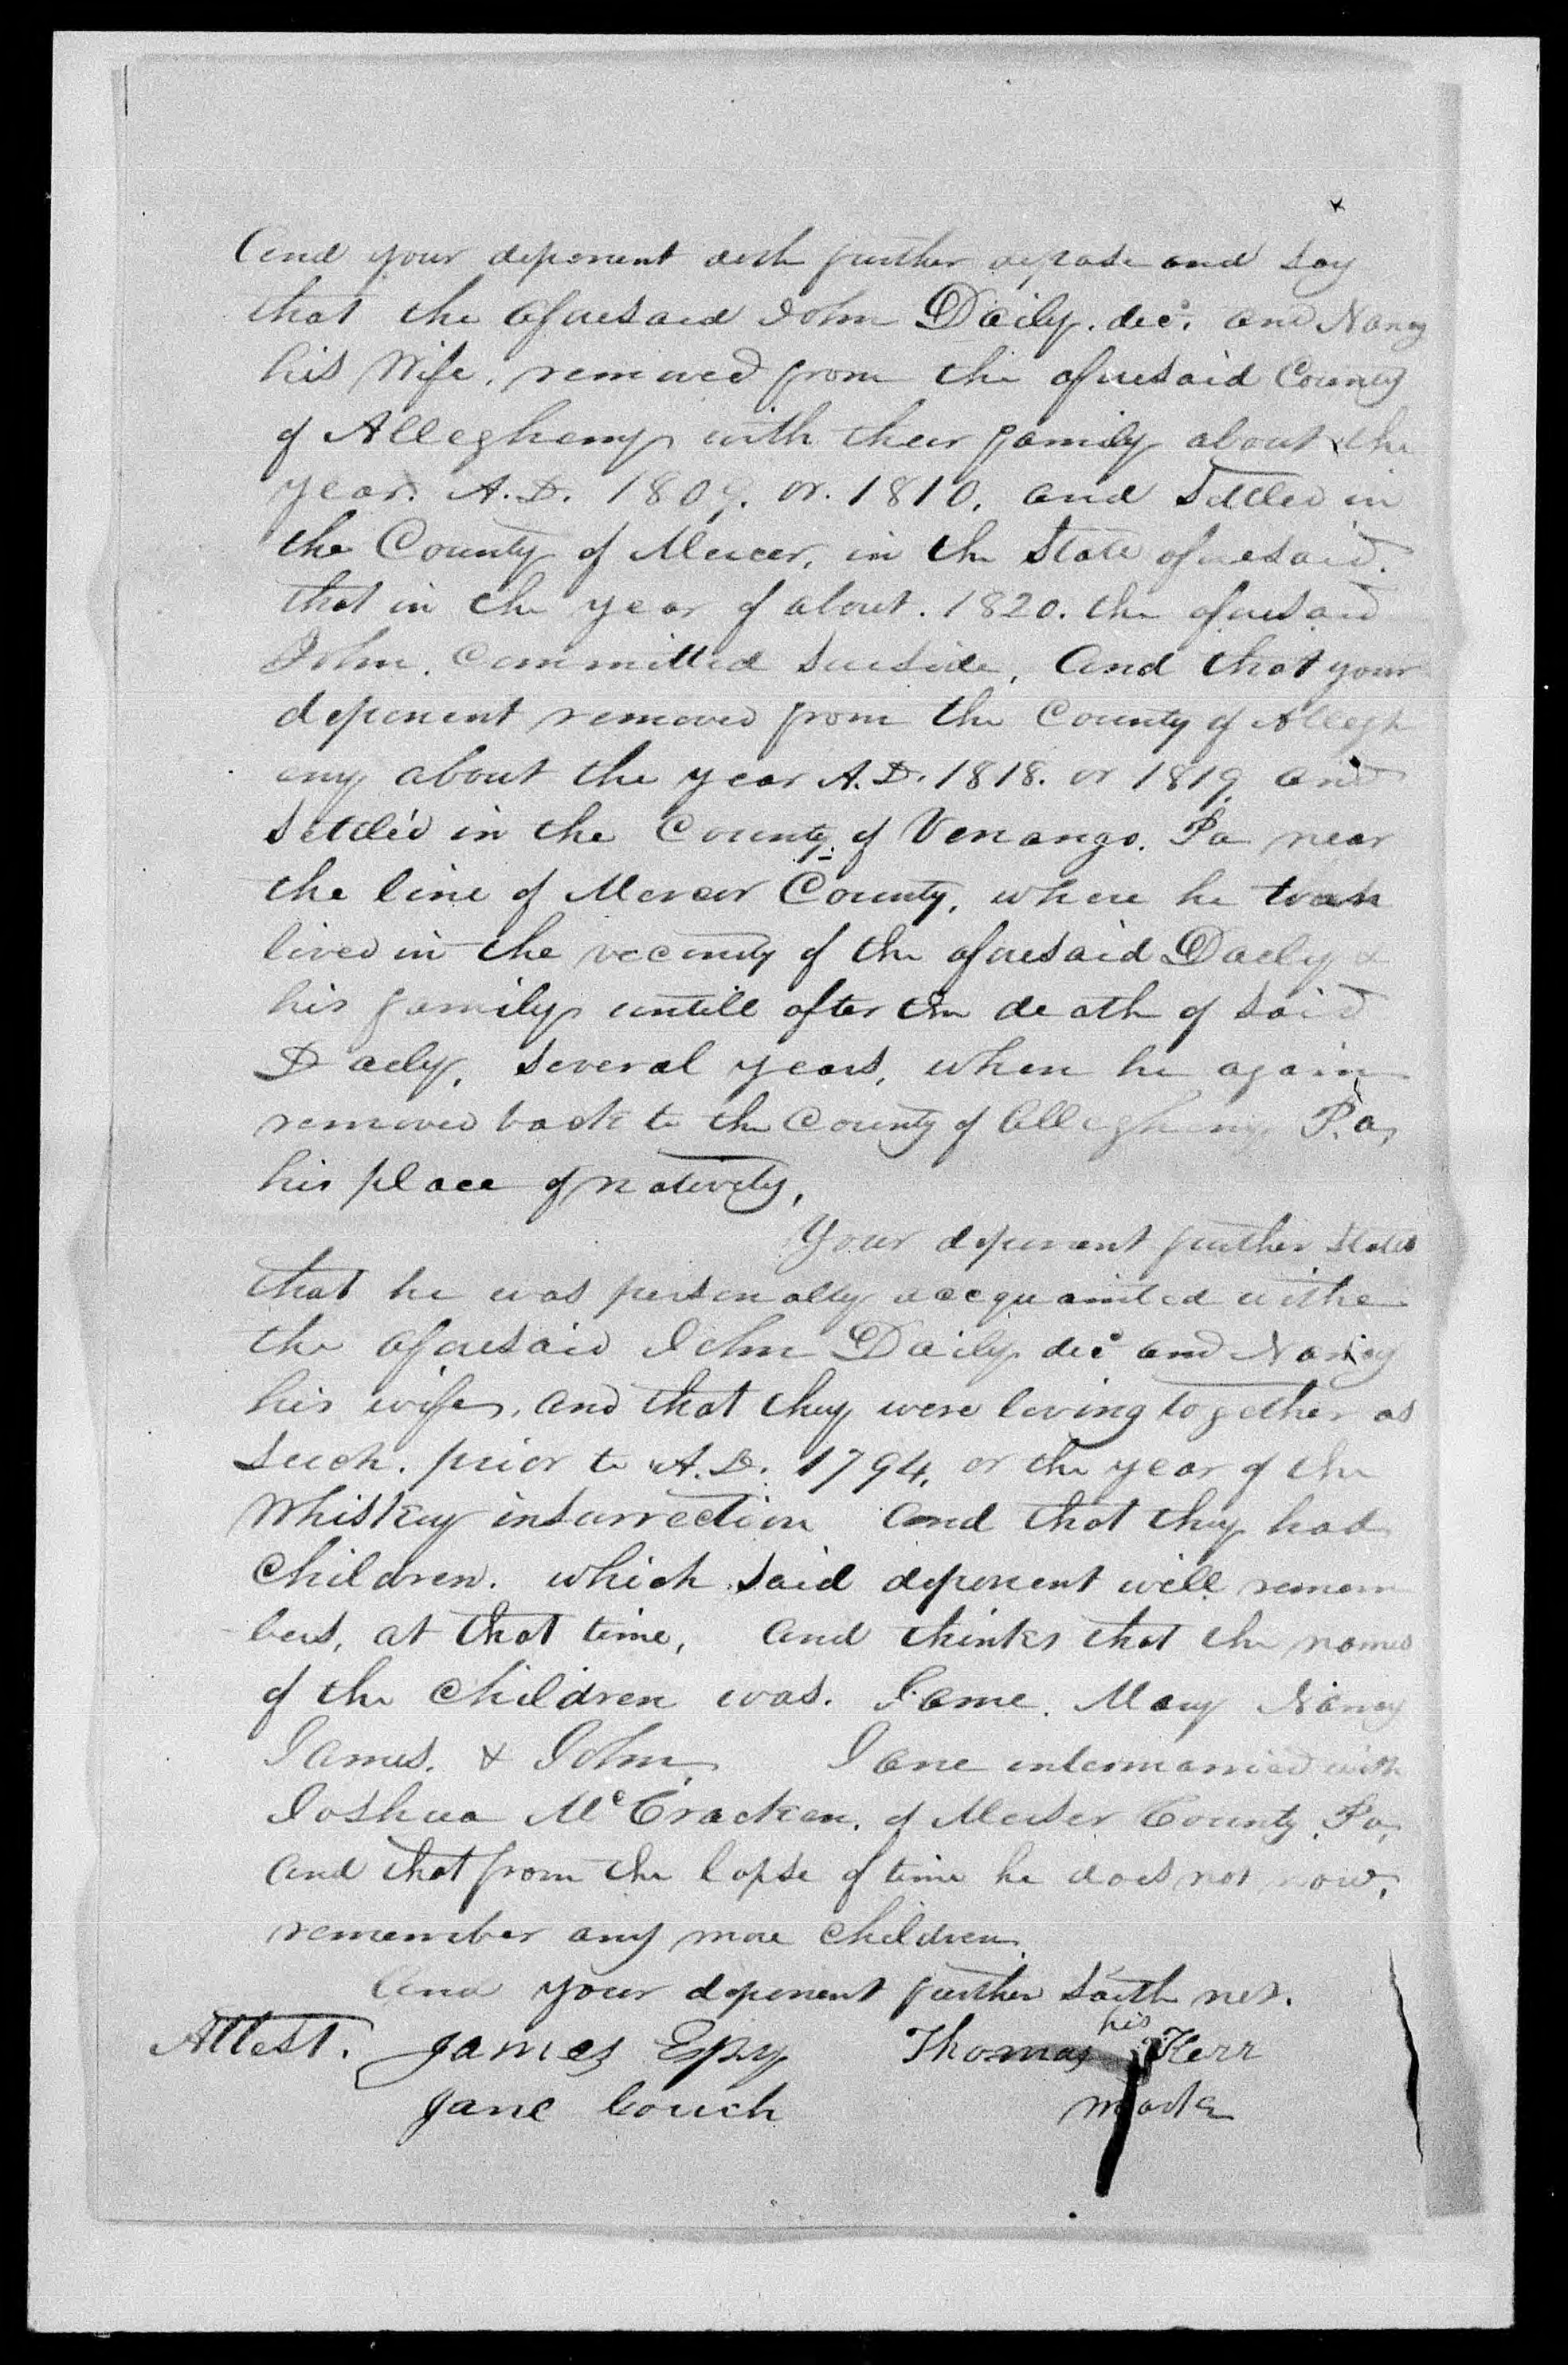And your deponent doth further depose and say
that the aforesaid John Daily dec. and Nancy
his wife, removed from the aforesaid County
of Allegheny with their family about the
year A.D. 1809. or. 1810. and settled in
the County of Mercer in the State aforesaid
that in the year of about. 1820. the aforesaid.
John Committed suiside, And that your
deponent removed from the County of Allegheny
about the year A.D. 1818. or 1819. and
Settled in the County of Venango. Pa near
the line of Mercer County, where he [illegible]
lived in the vicinity of the aforesaid Daily &
his family untill after the death of said
Daily, several years, when he again
removed back to the County of Allegheny Pa,
his place of nativity,
Your deponent further states
that he was personally acquainted with
the aforesaid John Daily decd and Nancy
his wife, and that they were living together as
Such prior to A.D. 1794, or the year of the
Whiskey insurrection and that they had
children. which said deponent well remembers,
at that time, and thinks that the names
of the children was. Jame Mary Nancy
James & John
Jane intermarried with
Joshua McCracken of Meser County, Pa.
and that from the lapse of time he does not now
remember any more children
and your deponent further saith [illegible].
Attest. James Espy
Jane Couch
Thomas Kerr
[vertical line between "Thomas" and "Kerr" with "his" written above and "mark" written in the middle with the line over top]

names: James Espy, Daily, Mary, John Daily, John, Daily, Joshua Mc Cracken, Nancy, Jane Couch, Nancy, James, John Daily, Thomas Kerr, John, Nancy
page: 23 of 63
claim: widow's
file: W. 3228, John Daly, Penn.